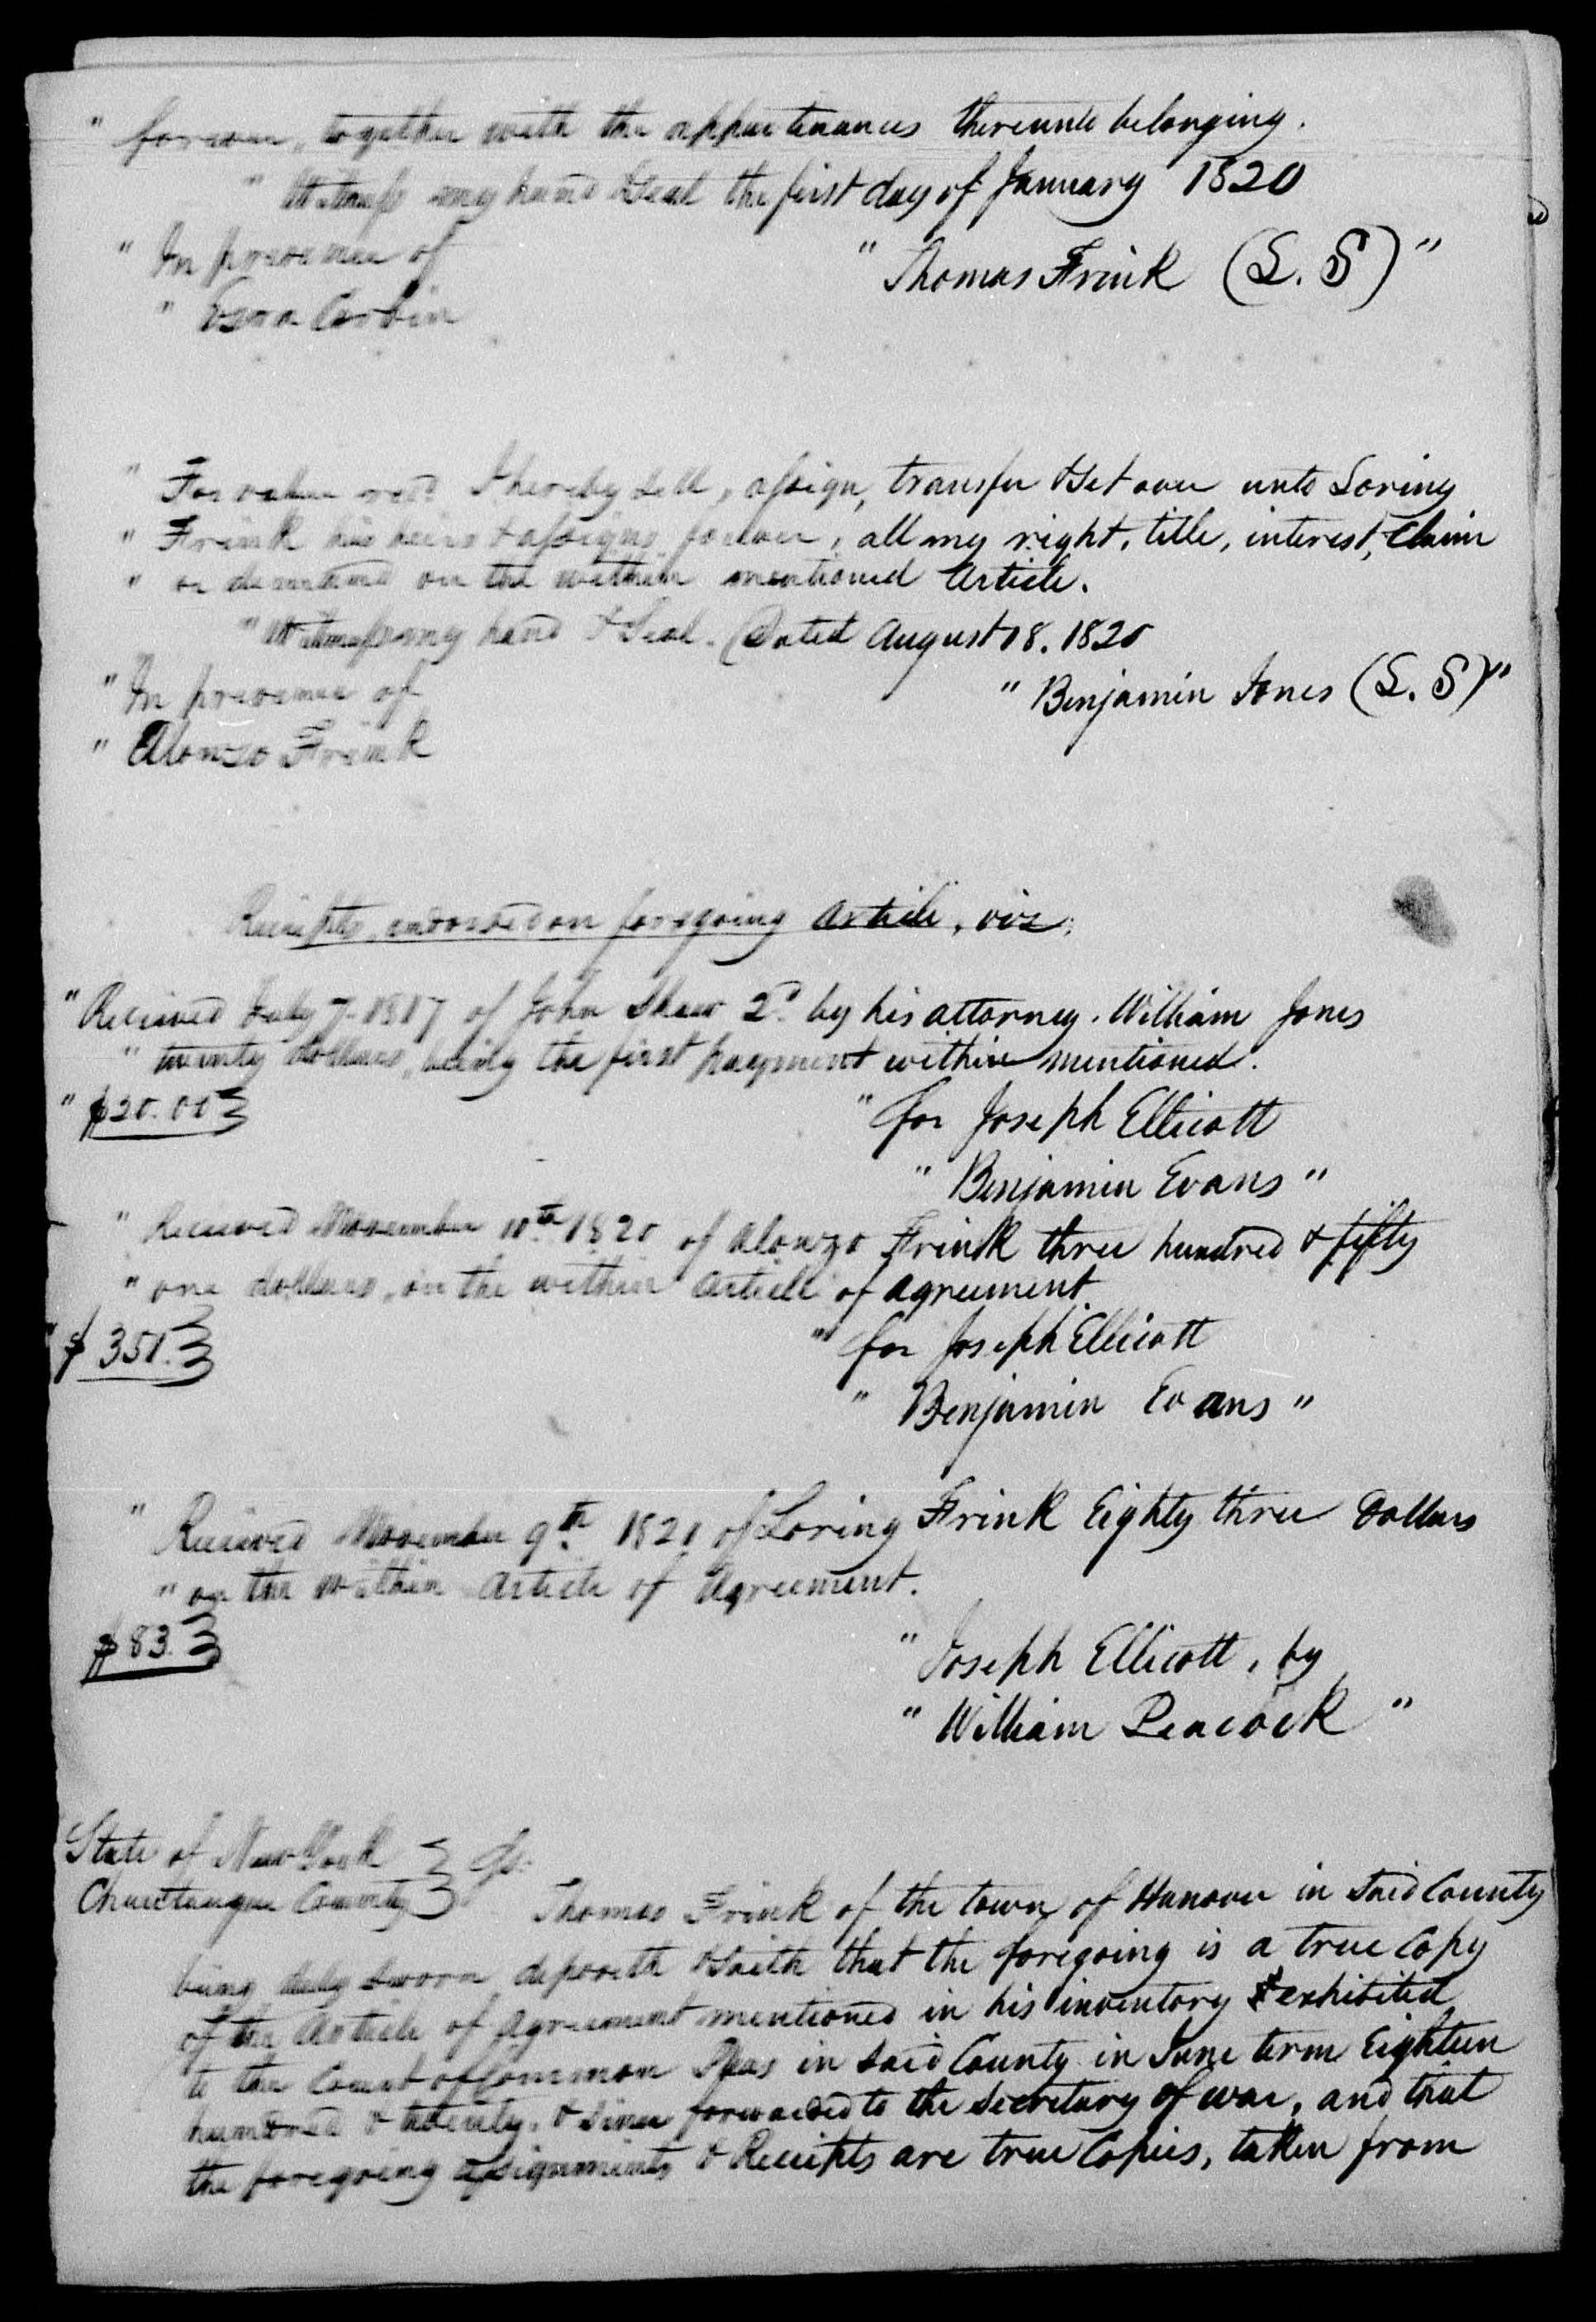"forever, together with the appurtianous thereunto belonging "[illegible] any hand [illegible] the first day of January 1820 In presence of Esra Corbin Thomas Frink (S.S)
"For value [illegible] thereby sell, aforsign, transfer get over unto serving
"Frink his heirs & aforsigns, [illegible] all my right, title, interest, claim or [illegible] on the within mentioned article.
"[illegible] hand  seal. Dated August 18 1820
In presence of Alonzo Frink
Benjamin Jones (S.S)
Receipts, [illegible] foregoing Article, Viz
"Received July 7, 1817 of John Shaw 2nd by his attorney William Hones twenty dollars, being the first payment within mentioned.
$20.00
For Joseph Ellicott
Benjamin Evans
Received November 18th 1820 of Alonzo Frink three hundred & fifty one dollars, on the within article of agreement for Joseph Ellicott Benjamin Evans $351
Received November 9th 1821 of Loring Frink eighty three dollars on the within article of agreement $83 Joseph Ellicott by William Peacock
State of New York
Chicataugua County JS
Thomas Frink of the town of Hanover in said county being duly sworn deposth & saith that the foregoing is a true copy of the Article of Agreement mentioned in his inventory exhibited to the Court of Common Pleas in said county in June term eighteen hundred & twenty & since forwarded to the Secretary of War, and that the foregoing assignments & receipts are true copies, taken from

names: Benjamin Jones, John Shaw, Ezra Corbin, Alonzo Frink, Benjamin Evans, Thomas Frink, Benjamin Evans, Thomas Frink, Joseph Ellicott, William Peacock, Alonzo Frink, William Jones, Joseph Ellicott, Loring Frink, Joseph Ellicott, Loring Frink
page: 19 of 33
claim: survivor's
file: S 43571, Thomas Frink, Mass.